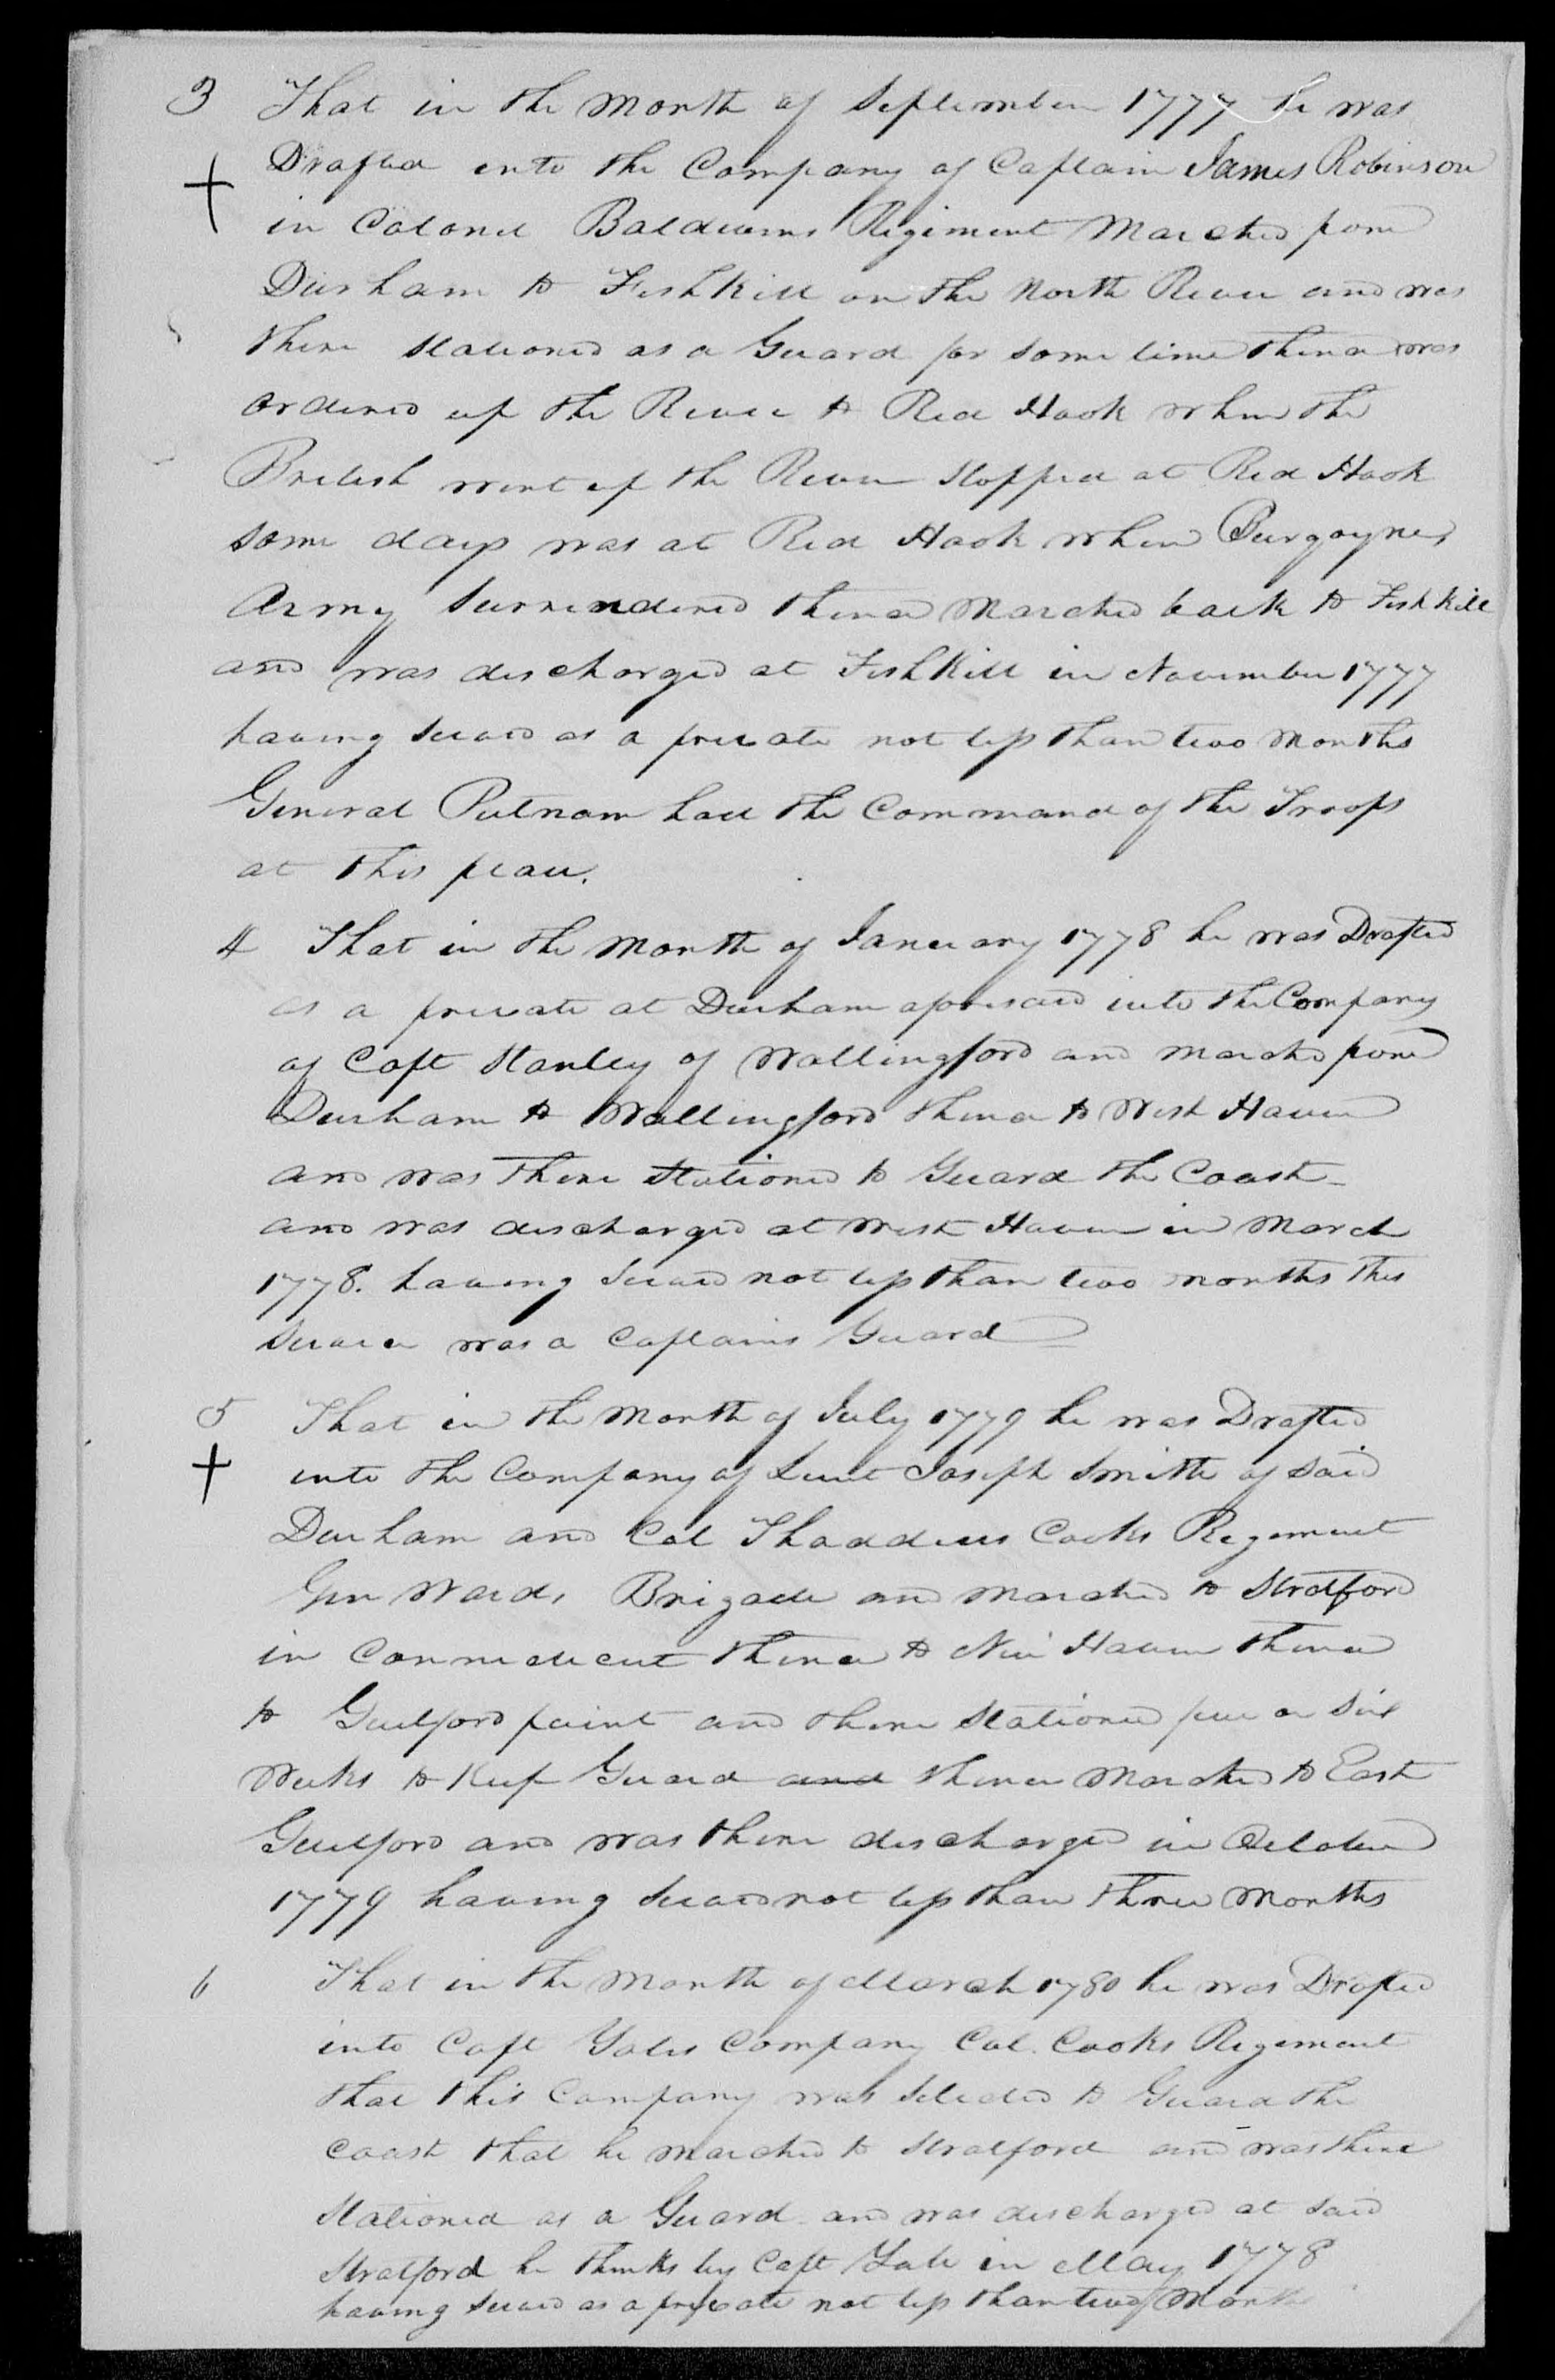3 That in the month of September 1777 he was drafted into the Company of Captain James Robinson in Colonel Baldwins Regiment marched from Durham to Fishkill on the North River and was there stationed as a Guard for some time then was ordered up the River to Red Hook when the British went up the River stopped at Red Hook some days was at Red Hook when Burgoyne's Army surrendered then marched back to Fishkill and was discharged at Fishkill in November 1777 having served as a private not less than two months General Putnam had the Command of the Troops at this place.

4 That in the month of January 1778 he was drafted as a private at Durham aforesaid into the Company of Capt Stanley of Wallingford and marched from Durham to Wallingford then to Wes Haven and was there stationed to Guard the Coast and was discharged at West Haven in March 1778 having served not less than two months This service was a Captains Guard

5. That in the month of July 1779 he was drafted into the company of Lieut Joseph Smith of said Durham and Cool Thaddeus Cooks Regiment Gen Wards Brigade and marched to Stratford in Connecticut thence to New Haven thence to Guilford Point and there stationed for ar Six Weeks to keep Guard and thence marched to East Guilford and was thence discharged in October 1779 having served not less than three months

6 That in the month of March 1780 he was drafted into Capt Gates Company Col. Cooks Regiment that this company was selected to Guard the coast that he marched to Stratford and was there stationed as a Guard and was discharged at said Stratford he thinks by Capt Gate in May 1778 having served as a private not less than two months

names: James Robinson, Putnam, Yale, Joseph Smith, Stanley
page: 67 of 76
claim: widow's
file: W. 5,250, Timothy Coe, Conn.